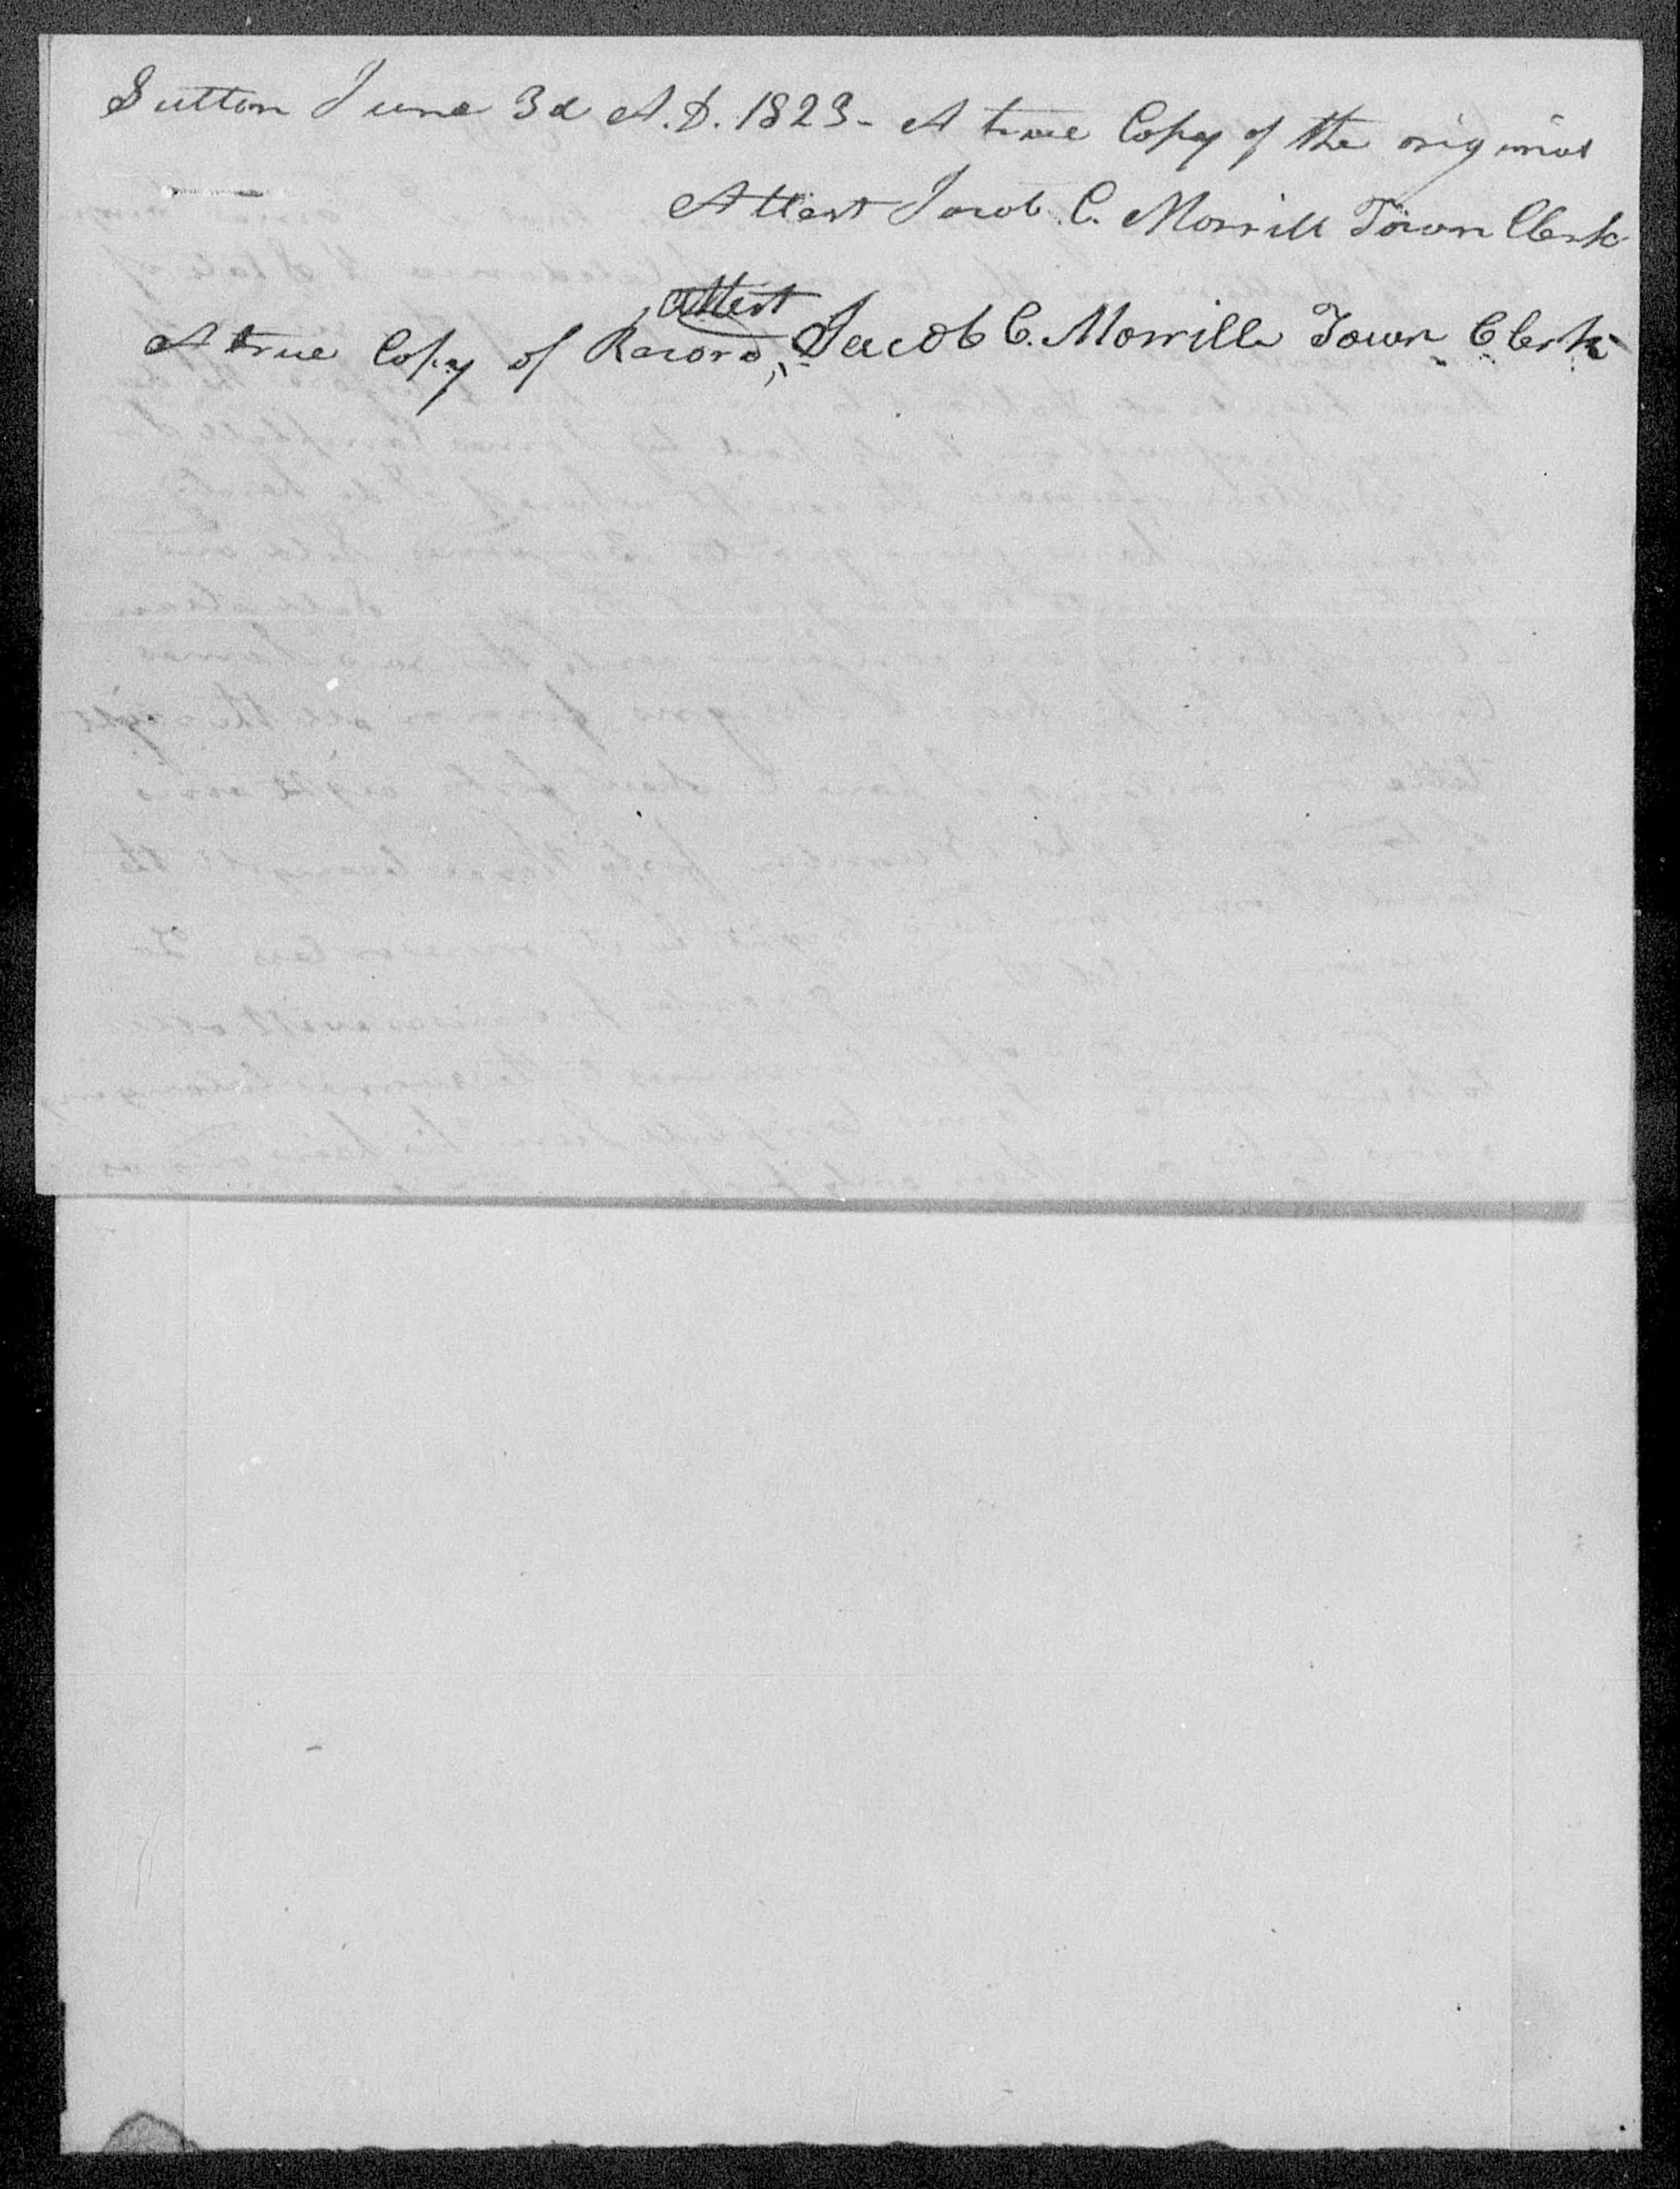Sutton June 3d A.D. 1823. A true copy of the original

Attest Jacob C. Morrell Town Clerk

Attest
A true Copy of Record, Jacob C. Morrill Town Clerk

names: Jacob C Morrill, Jacob C Morrill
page: 51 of 67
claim: widow's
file: W. 23772, James Campbell, Continental Mass.